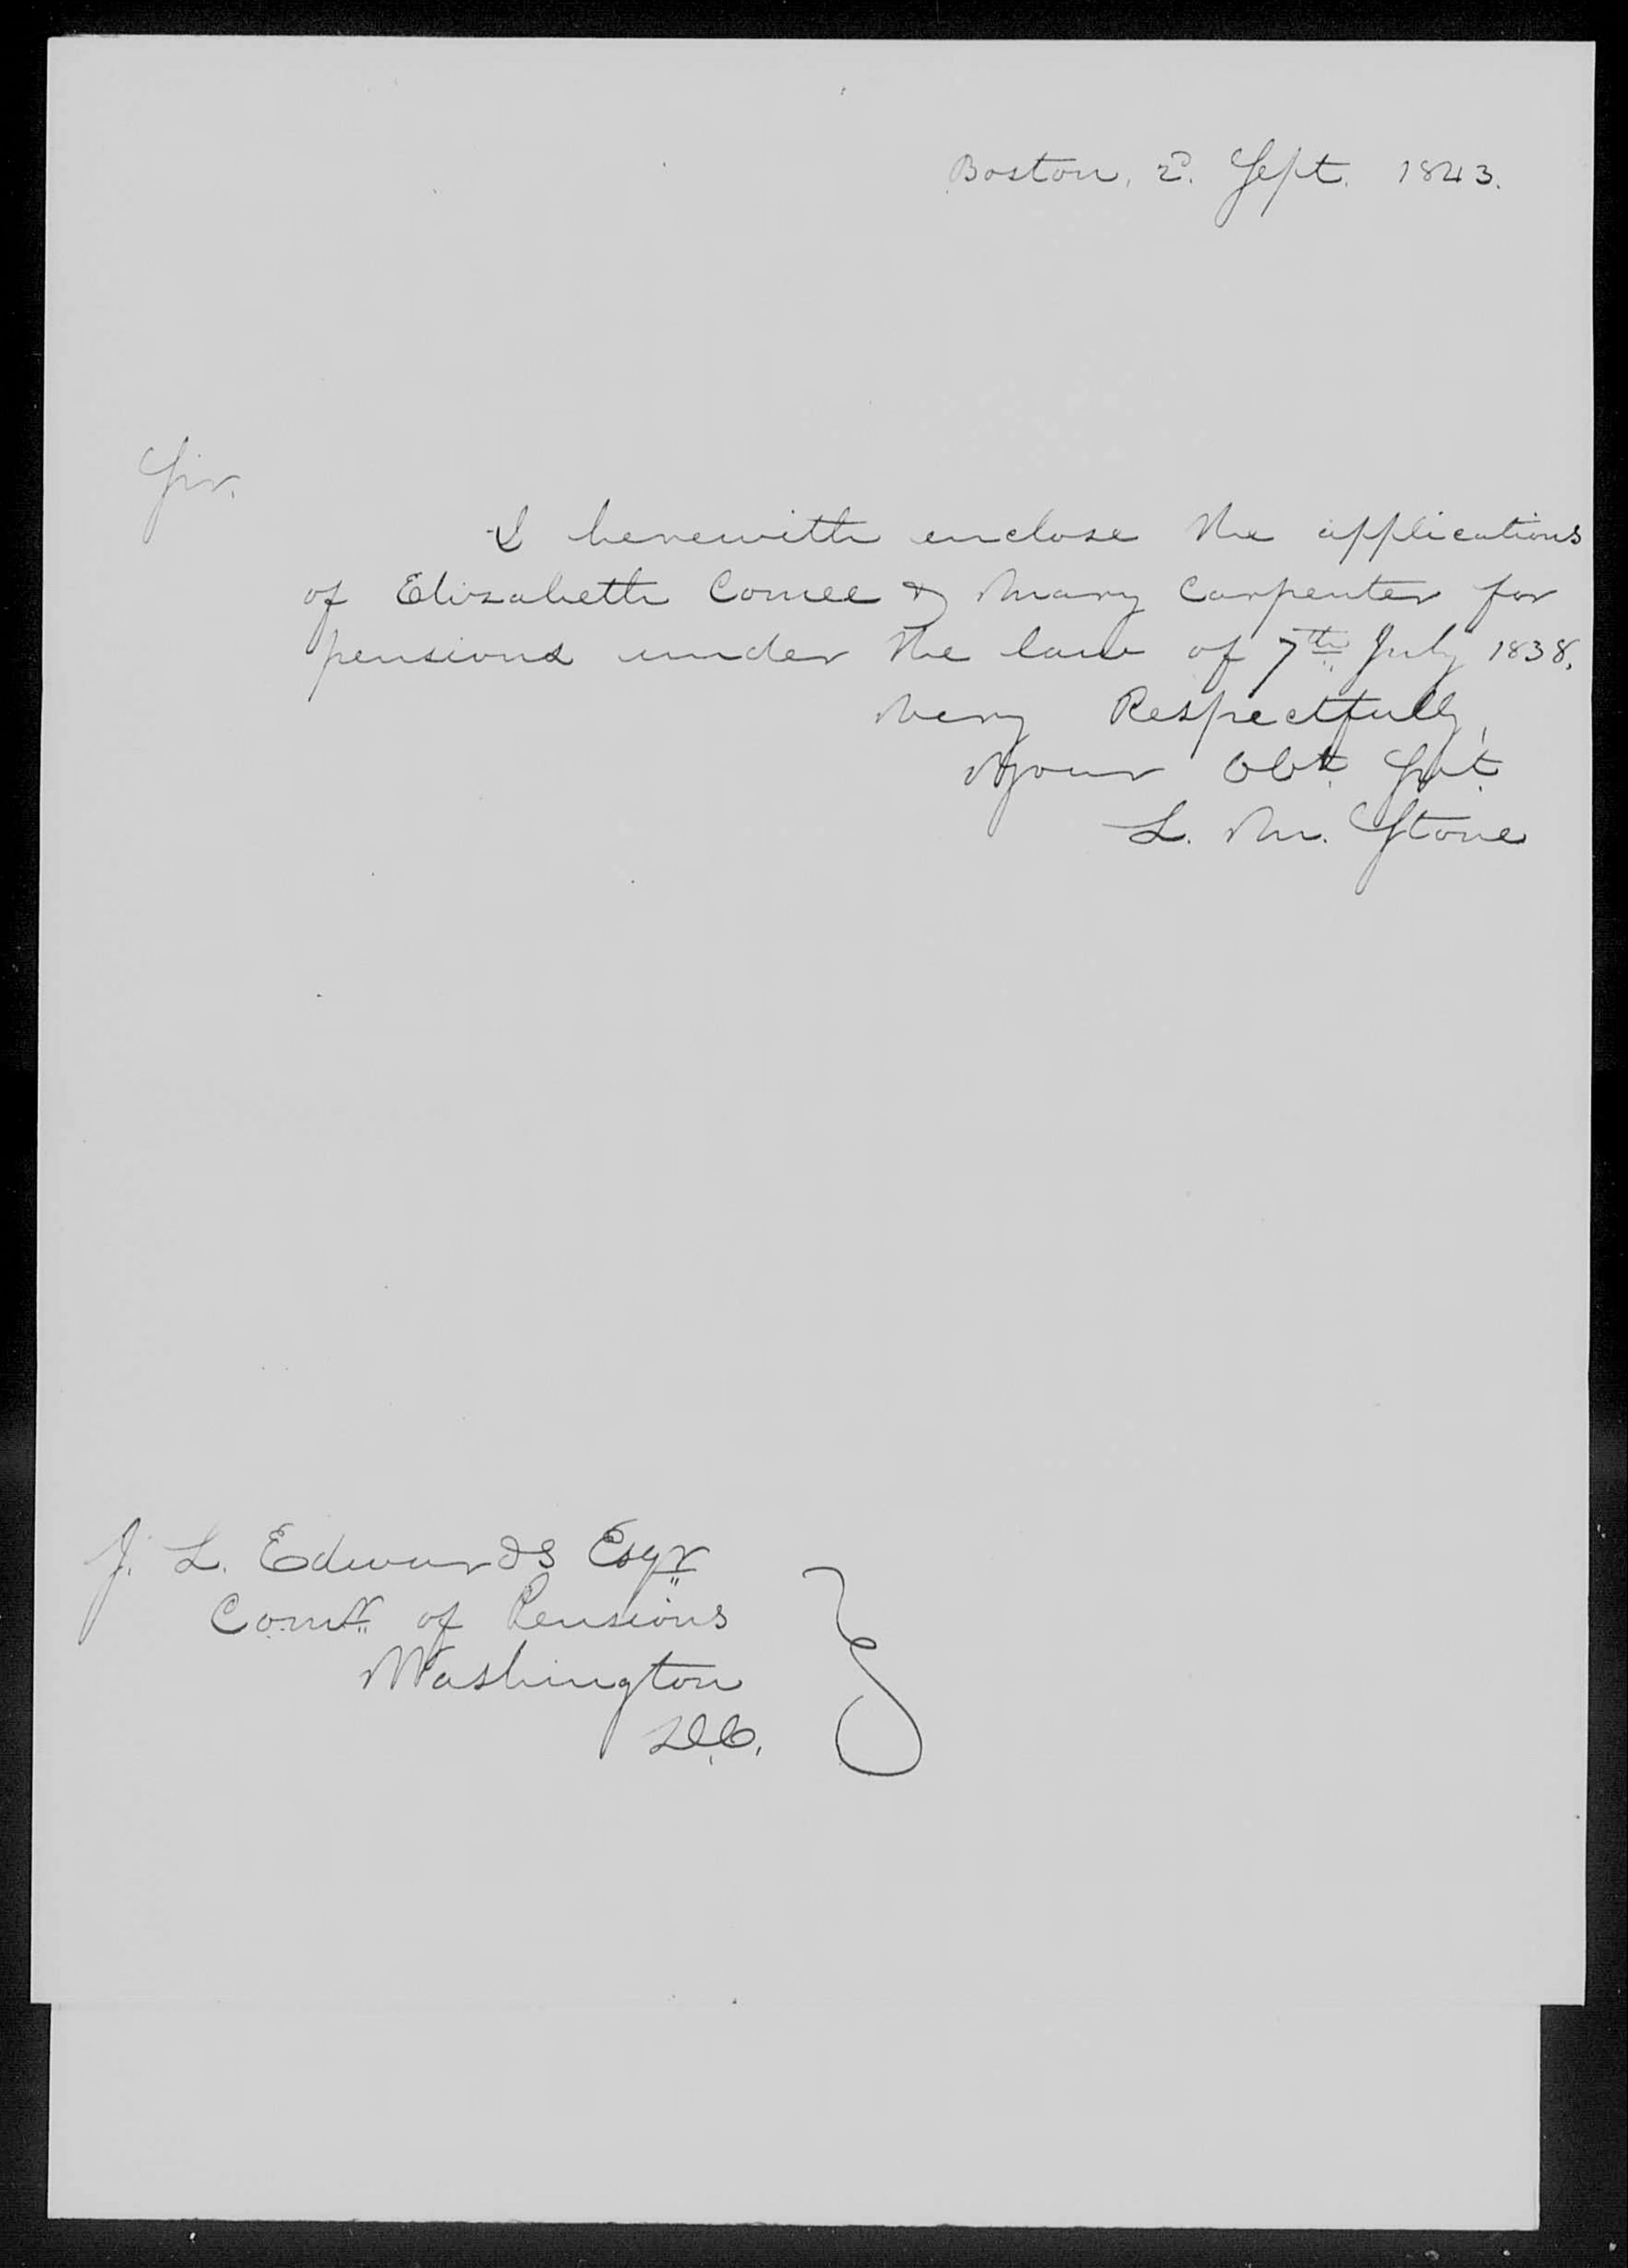Boston, 2d Sept. 1843.

Sir
I herewith enclose the applications of Elizabeth Comee & Mary Carpenter for pensions under the law of 7th July 1838. 
Very Respectfully,
your Obt Svt
L.M. Stone 


J. L. Edwards Esqr 
Comes of Pensions 
Washington D C.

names: Mary Carpenter, Elizabeth Comee, J L Edwards, L M Stone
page: 26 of 45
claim: widow's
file: W. 14,567, Oliver Comee, Mass.